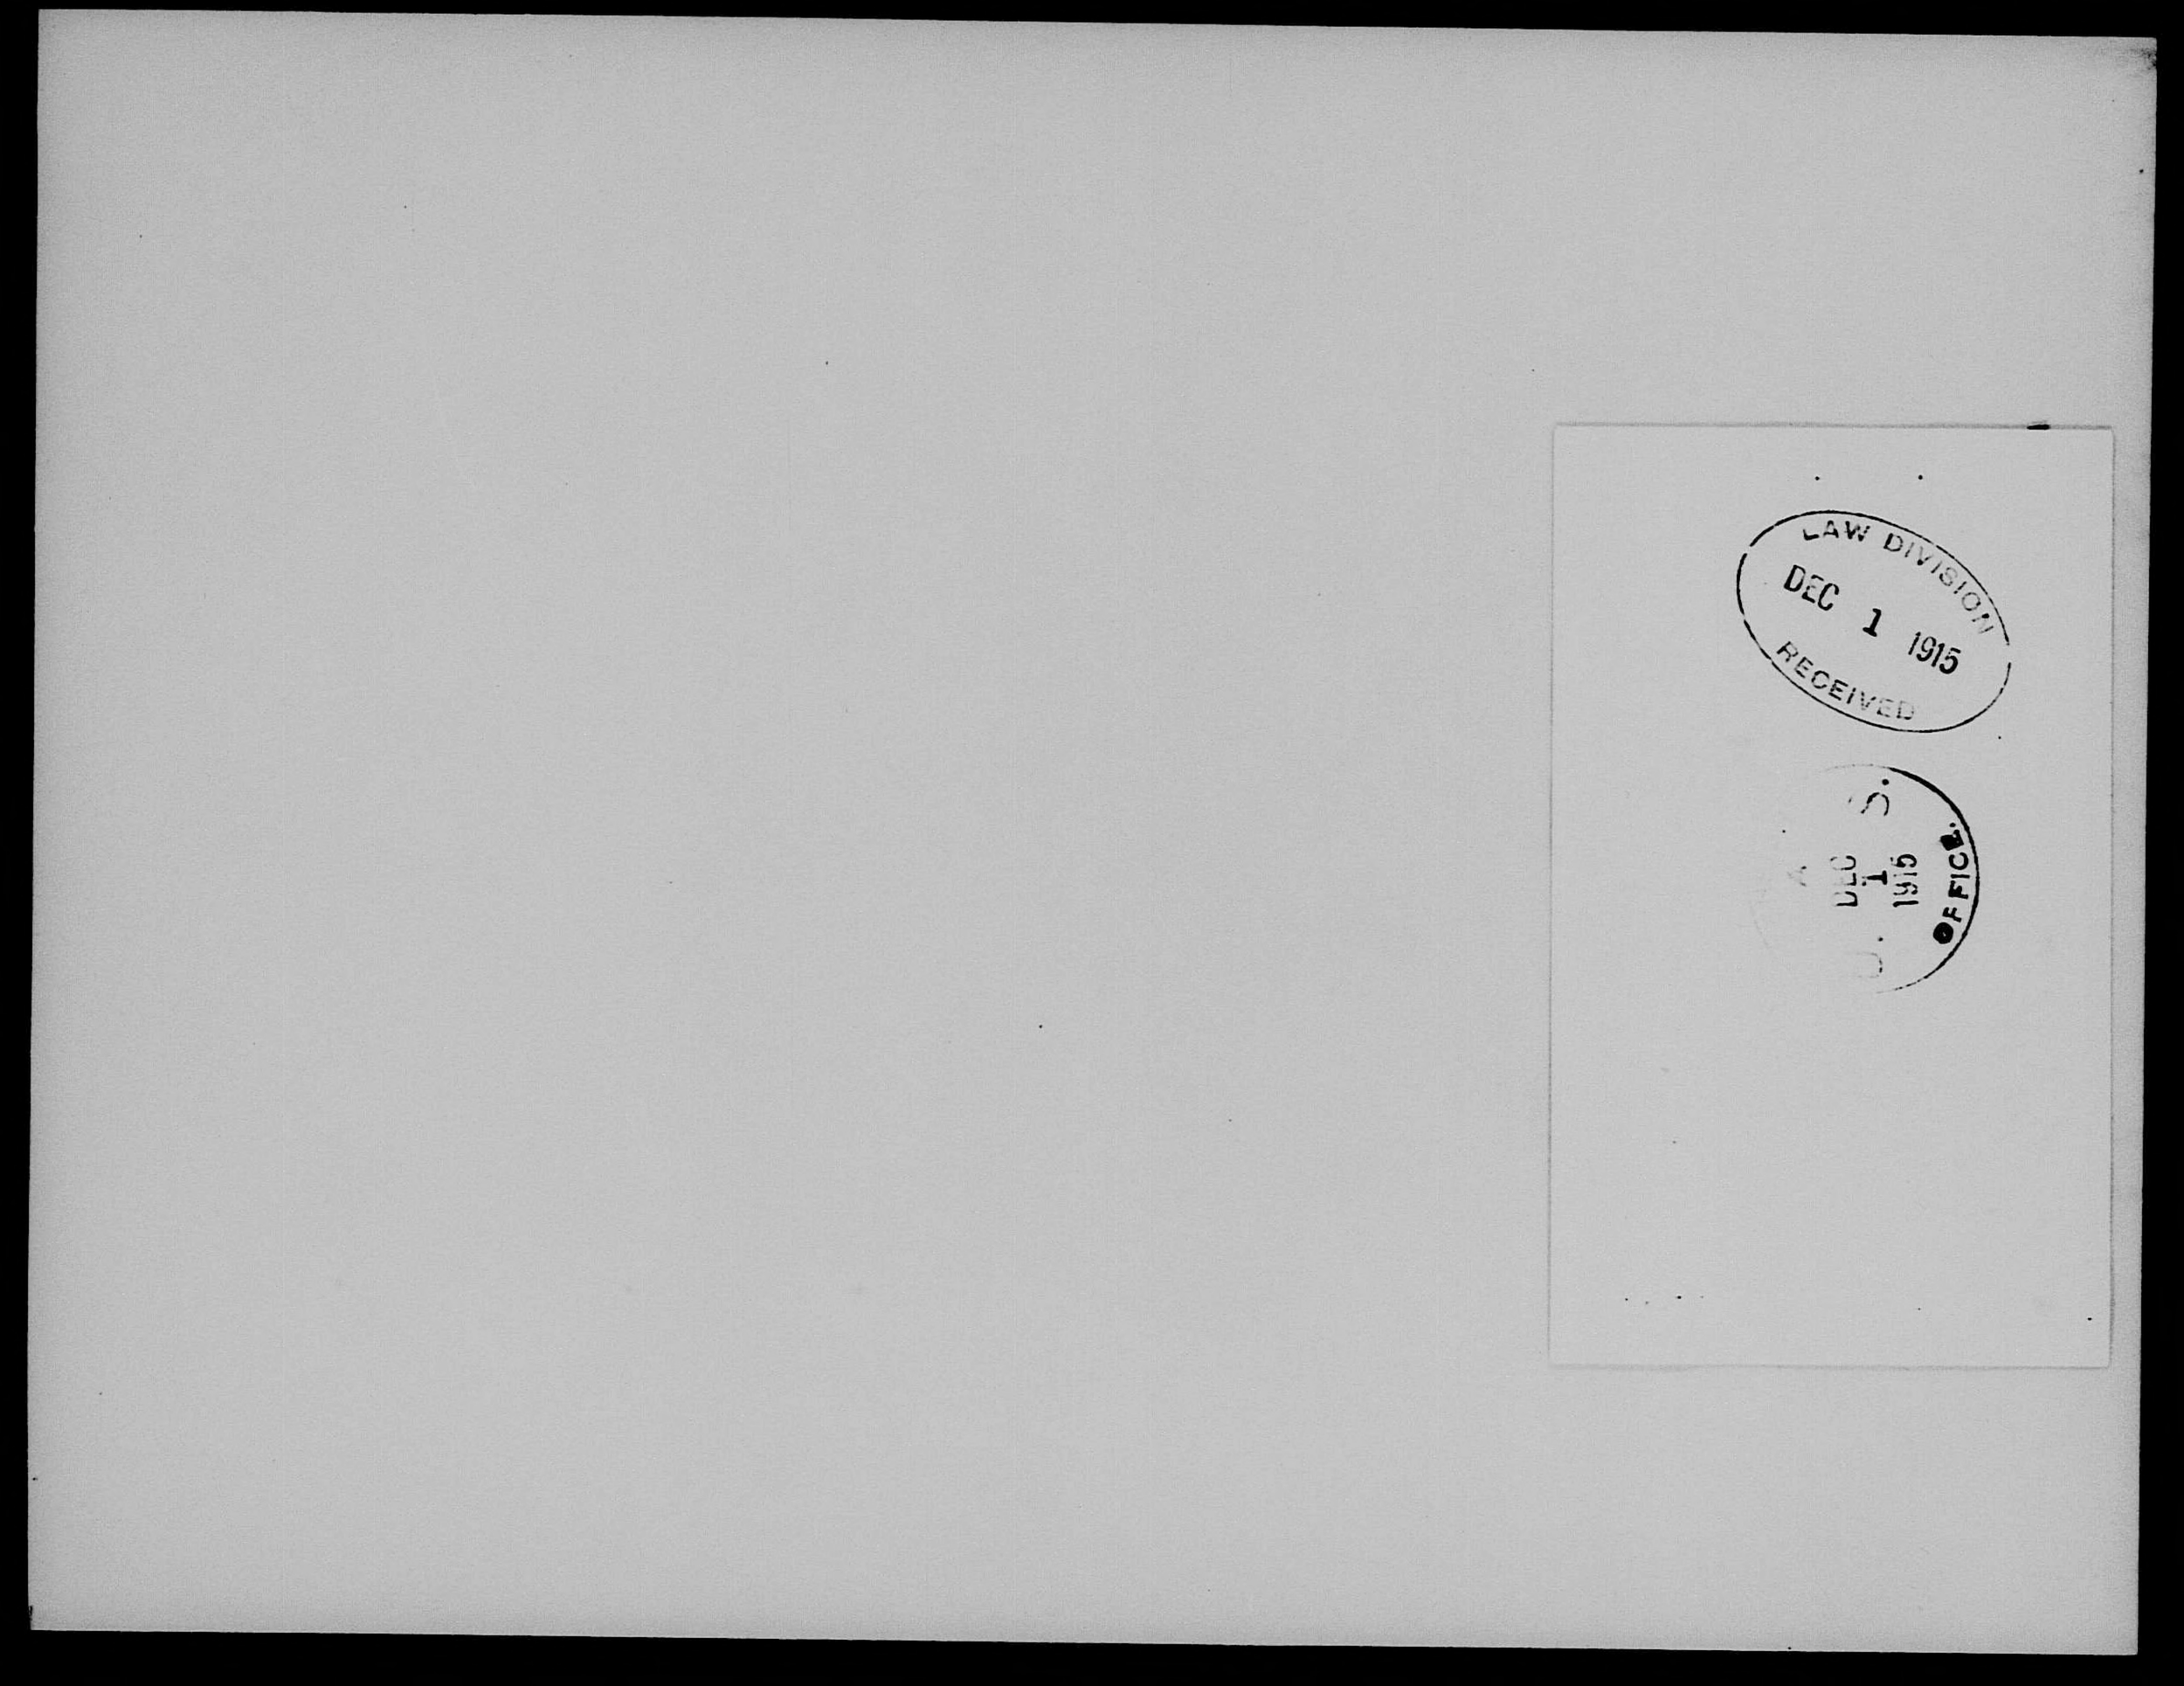[2 stamps on page]
[oval stamp]
LAW DIVISION
Dec 1 1915
RECEIVED
[round stamp]
[illegible - too faint]
Dec 1 1915
U.S.A.
OFFICE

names: [BLANK]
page: 28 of 34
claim: survivor's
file: S. 19483, for John Taliaferro, Virginia